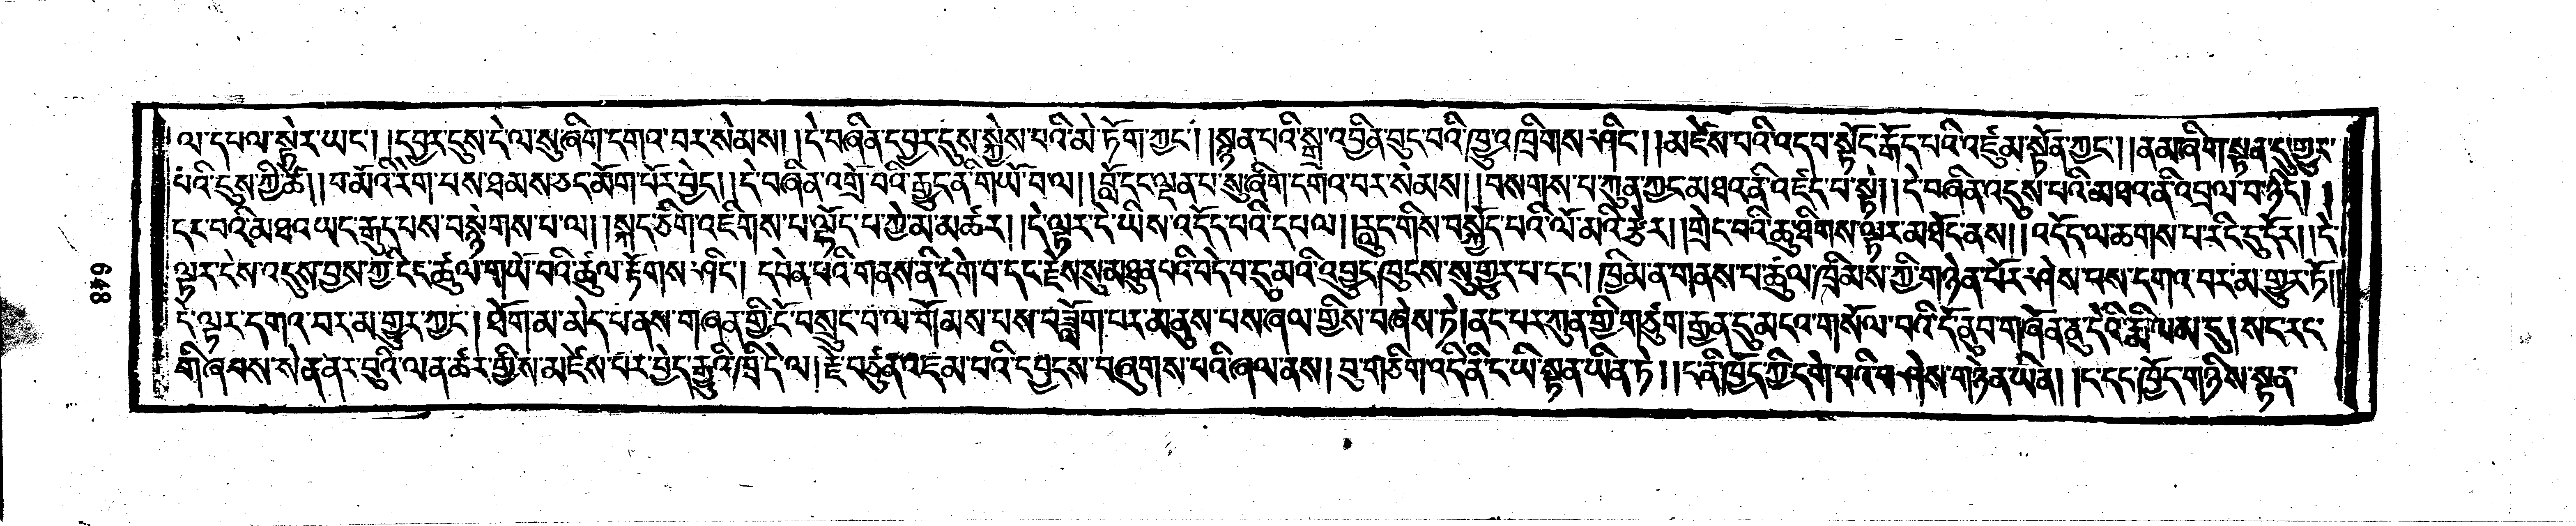ལ་དཔལ་སྟེར་ཡང་། །དབྱར་དུས་དེ་ལ་སུ་ཞིག་དགའ་བར་སེམས། །དེ་བཞིན་དབྱར་དུས་སྐྱེས་པའི་མེ་ཏོག་ཀྱང་། །སྙན་པའི་སྒྲ་འབྱིན་བུང་བའི་ཁྱུ་འཁྲིགས་ཤིང་། །མཛེས་པའི་འདབ་སྟོང་རྒོད་པའི་འཛུམ་སྟོན་ཀྱང་། །ནམ་ཞིག་སྟན་དུ་གྱུར་
པའི་དུས་ཀྱི་ཚེ། །བ་མོའི་རེག་པས་ཐམས་ཅད་མོག་པོར་བྱེད། །དེ་བཞིན་འགྲོ་བའི་རྒྱུད་ན་གཡོ་བ་ལ། །བློ་དང་ལྡན་པ་སུ་ཞིག་དགའ་བར་སེམས། །བསགས་པ་ཀུན་ཀྱང་མཐའ་ན་འཛད་པ་སྟེ། །དེ་བཞིན་འདུས་པའི་མཐའ་ནི་འབྲལ་བ་ཉིད། །
དར་བའི་མཐའ་ཡང་རྒྱུད་པས་བསྙེགས་པ་ལ། །སྐད་ཅིག་འཇིགས་པ་ལྷོད་པ་ཀྱེ་མ་མཚར། །དེ་ལྟར་དེ་ཡིས་འདོད་པའི་དཔལ། །རླུང་གིས་བསྐྱོད་པའི་ལོ་མའི་རྩེར། །གྲེང་བའི་ཆུ་ཐིགས་ལྟར་མཐོང་ནས། །འདོད་ལ་ཆགས་པ་རིགན་དུ་དོར། །དེ་
ལྟར་དེས་འདུས་བྱས་ཀྱི་ངང་ཚུལ་གཡོ་བའི་ཚུལ་རྟོགས་ཤིང་། དབེན་པའི་གནས་ནི་དགེ་བ་དང་རྗེས་སུ་མཐུན་པའི་བདེ་བ་དུ་མའི་འབྱུང་ཁུངས་སུ་གྱུར་པ་དང་། ཁྱིམ་ན་གནས་པ་ཚུལ་ཁྲིམས་ཀྱི་གཉེན་པོར་ཤེས་པས་དགའ་བར་མ་གྱུར་ཏོ། །
དེ་ལྟར་དགའ་བར་མ་གྱུར་ཀྱང་། ཐོག་མ་མེད་པ་ནས་གཞན་གྱི་ངོ་བསྲུང་བ་ལ་གོམས་པས་བཟློག་པར་མ་ནུས་པས་ཞལ་གྱིས་བཞེས་ཏེ། ནང་པར་ཀུན་གྱི་གཙུག་རྒྱན་དུ་མངའ་གསོལ་བའི་དོ་ནུབ་གཞོན་ནུ་དེའི་རྨི་ལམ་དུ། སང་རང་
གི་ཞབས་སེན་ནར་བུའི་ལན་ཚར་གྱིས་མཛེས་པར་བྱེད་རྒྱུའི་ཁྲི་དེ་ལ། རྗེ་བཙུན་འཇམ་པའི་དབྱངས་བཞུགས་པའི་ཞལ་ནས། སུ་གཅིག་འདི་ནི་ང་ཡི་སྟན་ཡིན་ཏེ། །ང་ནི་ཁྱོད་ཀྱི་དགེ་བའི་བཤེས་གཉེན་ཡིན། །ང་དང་ཁྱོད་གཉིས་སྟན་